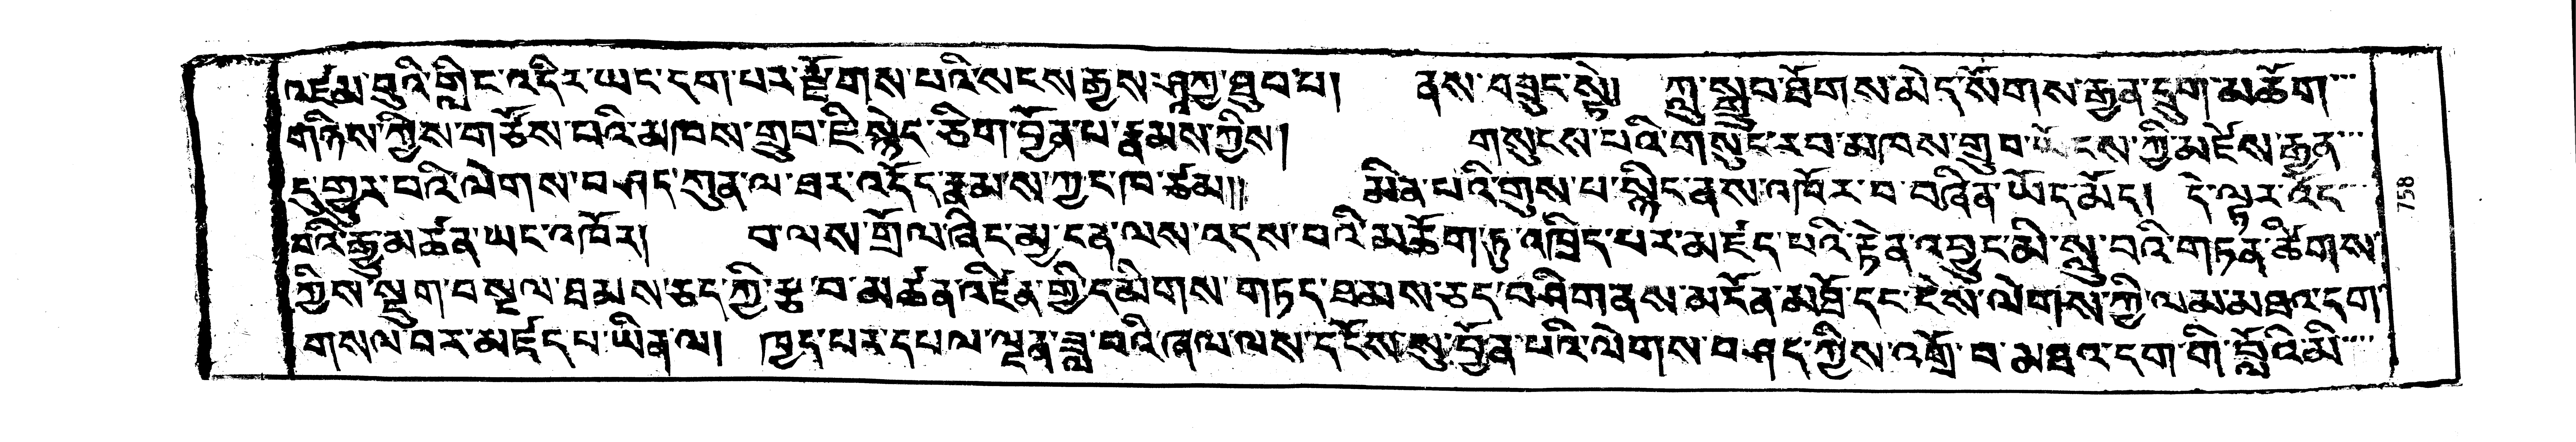འཛམ་བུའི་གླིང་འདིར་ཡང་དག་པར་རྫོགས་པའི་སངས་རྒྱས་ཤཱཀྱ་ཐུབ་པ། ནས་བཟུང་སྟེ། ཀླུ་སྒྲུབ་ཐོགས་མེད་སོགས་རྒྱན་དྲུག་མཆོག་
གཉིས་ཀྱིས་གཙོས་པའི་མཁས་གྲུབ་ཇི་སྙེད་ཅིག་བྱོན་པ་རྣམས་ཀྱིས། གསུངས་པའི་གསུང་རབ་མཁས་གྲུབ་ཡོངས་ཀྱི་མཛེས་རྒྱན་
དུ་གྱུར་པའི་ལེགས་བཤད་ཀུན་ལ་ཐར་འདོད་རྣམས་ཀྱང་ཁ་ཙམ།། མིན་པའི་གུས་པ་སྙིང་ནས་འཁོར་བ་བཞིན་ཡོད་མོད། དེ་ལྟར་འོང་
བའི་རྒྱུ་མཚན་ཡང་འཁོར། བ་ལས་གྲོལ་ཞིང་མྱ་ངན་ལས་འདས་པའི་མཆོག་ཏུ་འཁྲིད་པར་མཛད་པའི་རྟེན་འབྱུང་མི་སླུ་བའི་གཏན་ཚིགས་
ཀྱིས་སྡུག་བསྔལ་ཐམས་ཅད་ཀྱི་རྩ་བ་མཚན་འཛིན་གྱི་དམིགས་གཏད་ཐམས་ཅད་བཤིག་ནས་མངོན་མཐོ་དང་ངེས་ལེགས་ཀྱི་ལམ་མཐའ་དག་
གསལ་བར་མཛད་པ་ཡིན་ལ། ཁྱད་པར་དཔལ་ལྡན་ཟླ་བའི་ཞལ་ལས་དངོས་སུ་བྱོན་པའི་ལེགས་བཤད་ཀྱིས་འགྲོ་བ་མཐའ་དག་གི་བློའི་མི་